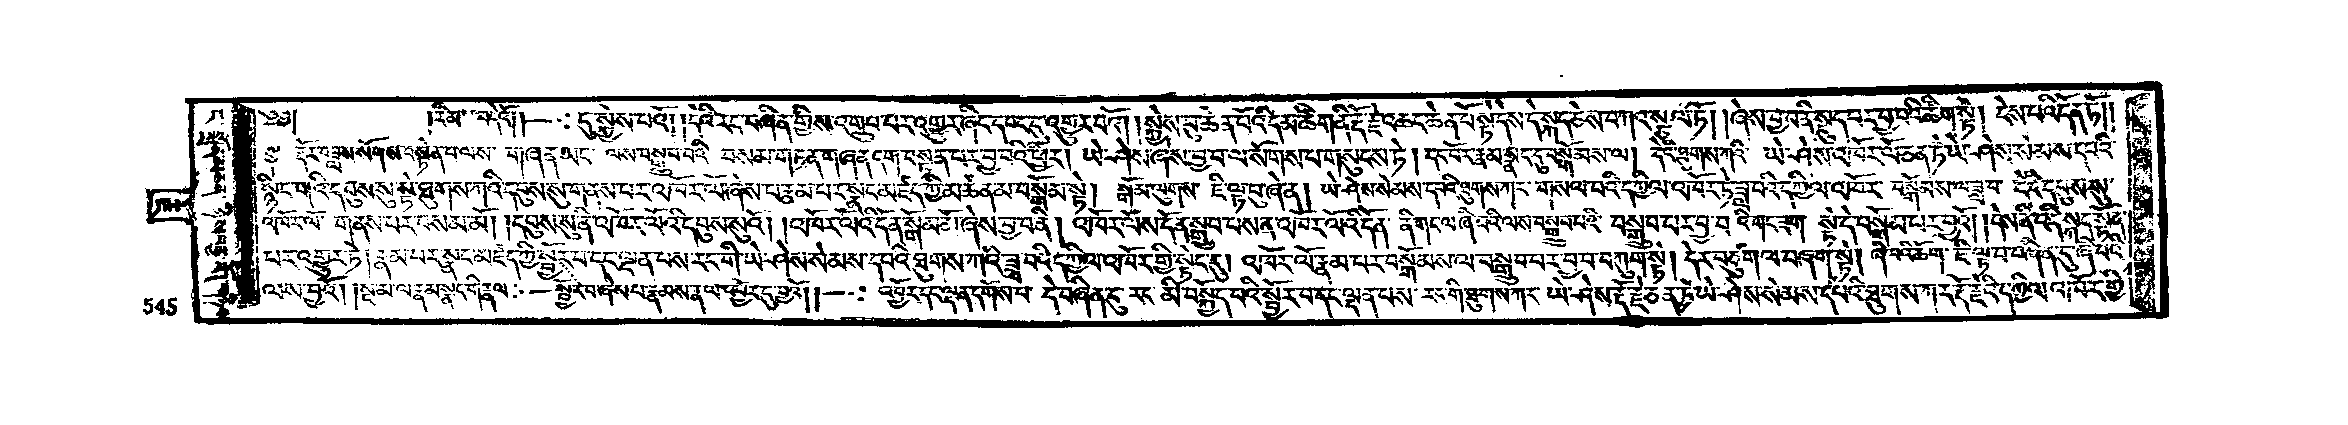༄༅། །རིམ་བདེའོ། ། .Hདུ་སྐྱེས་པའོ། །དེའི་རང་བཞིན་གྱིས་འགྲུབ་པར་འགྱུར་ཞིང་དབང་དུ་འགྱུར་པའོ། །སྐྱེས་བུ་ཆེན་པོའི་དམ་ཚིག་ནི་རྡོ་རྗེ་འཆང་ཆེན་པོ་སྟེ་དེས་དེ་སྐད་ཅེས་བཀའ་སྩལ་ཏོ། །ཞེས་བྱ་བ་ནི་སྡུད་པར་བྱ་བའི་ཚིག་སྟེ། ངེས་པའི་དོན་ཏོ། །
༈ རྡོར་བཟླས་སོགས་བསྟེན་པ་ལས་གཞན་ཡང་ལས་བསྒྲུབ་པའི་བསམ་གཏན་གཞན་དག་བསྟན་པར་བྱ་བའི་ཕྱིར། ཡེ་ཤེས་ཞེས་བྱ་བ་ལ་སོགས་པ་གསུངས་ཏེ། དང་པོར་རྣམ་སྣང་དུ་བསྒོམས་ལ། དེའི་ཐུགས་ཀའི་ཡེ་ཤེས་འཁོར་ལོ་ཅན་ཏེ་ཡེ་ཤེས་སེམས་དཔའི་
སྙིང་གའི་དབུས་སུ་སྟེ་ཐུགས་ཀའི་དབུས་སུ་གནས་པར་འཁོར་ལོ་ཞེས་པ་རྣམ་པར་སྣང་མཛད་ཀྱི་མཚན་མ་བསྒོམ་སྟེ། སྒོམ་ལུགས་ཇི་ལྟ་བུ་ཞེ་ན། ཡེ་ཤེས་སེམས་དཔའི་ཐུགས་ཀར་གསལ་བའི་དཀྱིལ་འཁོར་ཏེ་ཟླ་བའི་དཀྱིལ་འཁོར་བསྒོམས་ལ་ཟླ་བ་དེའི་དབུས་སུ་
འཁོར་ལོ་གནས་པར་བསམ་མོ། །དབུས་སུ་ནི་འཁོར་ལོའི་དབུས་སུའོ། །འཁོར་ལོའི་དོན་སྒོམ་མོ་ཞེས་བྱ་བ་ནི། འཁོར་ལོས་དོན་སྒྲུབ་པས་ན་འཁོར་ལོའི་དོན་ནི་གང་ལ་ཞི་བའི་ལས་བསྒྲུབ་པའི་བསྒྲུབ་པར་བྱ་བའི་གང་ཟག་སྟེ་དེ་བསྒོམ་པར་བྱའོ། །དེས་ནི་འདི་སྐད་སྟོན་
པར་འགྱུར་ཏེ། རྣམ་པར་སྣང་མཛད་ཀྱི་སྦྱོར་བ་དང་ལྡན་པས་རང་གི་ཡེ་ཤེས་སེམས་དཔའི་ཐུགས་ཀའི་ཟླ་བའི་དཀྱིལ་འཁོར་གྱི་སྟེང་དུ། འཁོར་ལོ་རྣམ་པར་བསྒོམས་ལ་བསྒྲུབ་པར་བྱ་བ་བཀུག་སྟེ། དེར་བཅུག་ལ་བཞག་སྟེ། ཞི་བའི་ཆོག་ཇི་ལྟ་བ་བཞིན་དུ་ཞི་བའི་
ལས་བྱའོ། ། སྔ་མ་ལ་རྣམ་སྣང་གི་རྣལཿ་སྦྱོར་བ་ཞེས་པ་རྣམས་རྣལ་འབྱོར་དུ་བྱའོ།།  .Hའབྱོར་དང་ལྡན་དགོས་པ་དེ་བཞིན་དུ་རང་མི་བསྐྱོད་པའི་སྦྱོར་བ་དང་ལྡན་པས་རང་གི་ཐུགས་ཀར་ཡེ་ཤེས་རྡོ་རྗེ་ཅན་ཏེ་ཡེ་ཤེས་སེམས་དཔའི་ཐུགས་ཀར་རྡོ་རྗེའི་དཀྱིལ་འཁོར་གྱི་